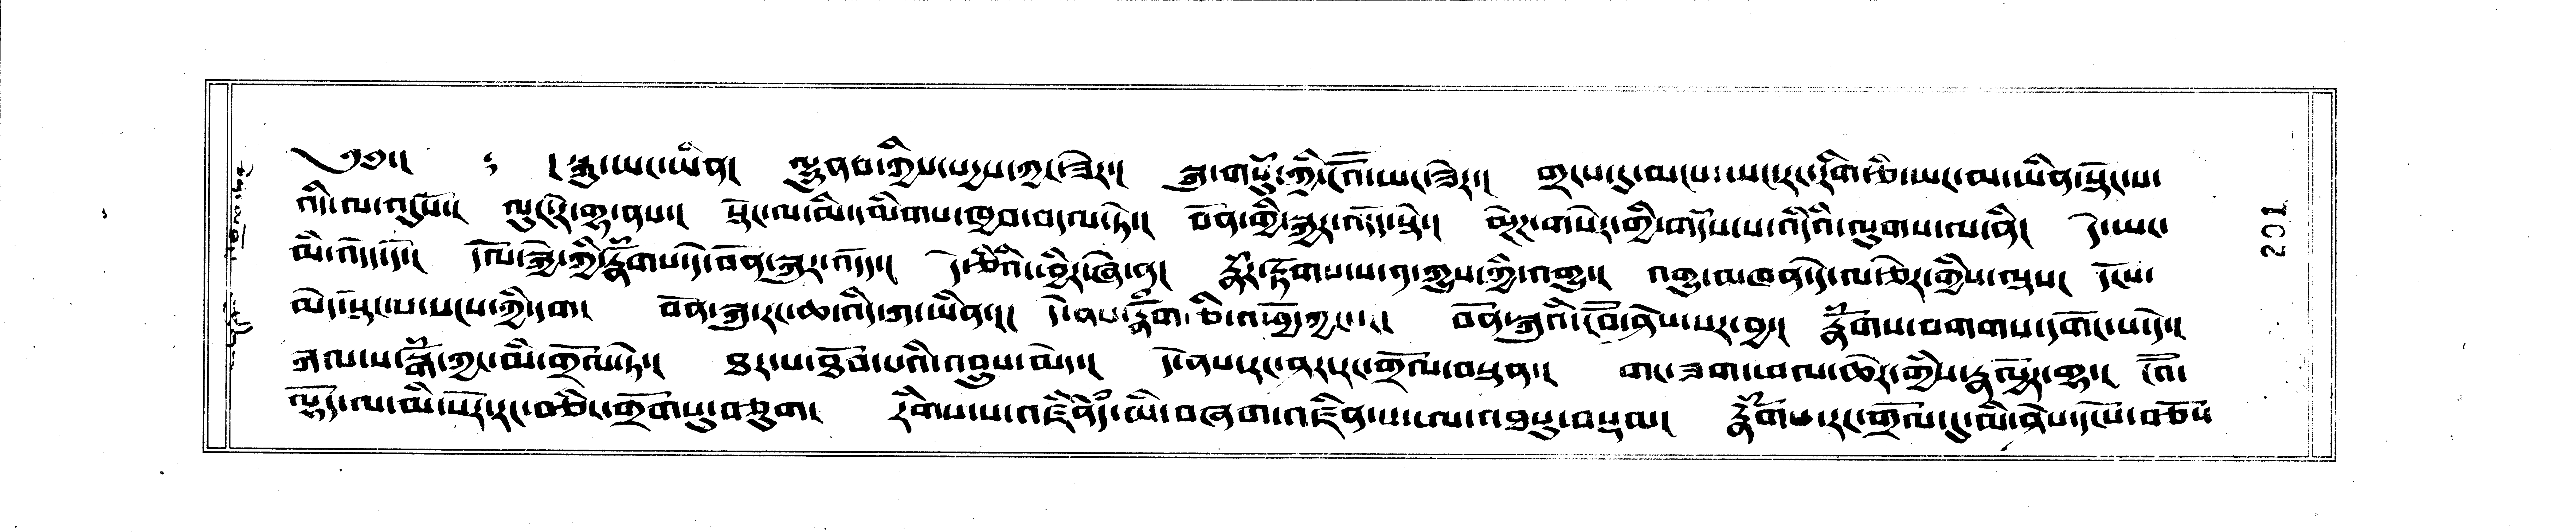སྐུ་ཡིན། ལྷུན་གྲུབ་ཀྱིས་སངས་རྒྱས་ཀྱང་ཟེར། སྐུ་གསུམ་གི་ངོའོ་ཡང་ཟེར། གྲངས་སུ་མང་ཡང་རང་རིག་ཅི་ཡང་མ་ཡིན་པ། སྟོང་པ་
འདི་ལས་འདུས་སོ། ལུང་རེས་གྷ་(འགའ)ནས་སྟོང་ལ་མི་དམིགས་ཁྱབ་བདལ་དེ། བོན་གྱི་སྐུར་འདོད་དེ། མན་ངག་གསེར་གྱི་གདམ་པ་འདིའི་ལུགས་ལ་ནི། དེ་ཡང་
མི་འདོད་ཐོལ་སྐྱེས་ཀྱི་རྣམ་རྟོག་དེ་བོན་སྐུར་འདོད། དེ་ཅིའི་ཕྱིར་ཞེ་ན་རྣམ་པར་རྟོག་པ་གཅིག་ཀྱུར་གྱིས་འགྱུས། འགྱུ་མཁན་དེ་ལ་གཅེར་གྱིས་བལྟས། དངོས་
མེད་སྟོང་པར་སངས་ཀྱིས་དག བོན་སྐུ་རང་ཆས་དེ་ཀ་ཡིན། དེ་ན་རྣམ་རྟོག་ཅི་འཕྲོས་ཀྱང་། བོན་སྐུའི་ངོའོ་ཤེས་པར་བྱ། རྣམ་རྟོག་བཀག་པའི་དགོངས་པ་དེ། 
སྐལ་པར་སྒོམ་ཀྱང་མི་གྲོལ་ཏེ། ཐར་པ་ཐོབ་པའི་འབྲས་བུ་མེད། དེ་ནས་རང་ཤར་རང་གྲོལ་བསྟན། གང་ཟག་ཕལ་ཆེས་”ཆེར”ཀྱིས་རྣལ་འབྱོར་གྷས་(འགས)། ངོའོ་
ལྷོད་ལ་མི་བོར་རང་བཅིང་སྒྲོས་སུ་བཅུག རིག་པ་འཛིན་མེད་དུ་མི་བཞག་འཛིན་པ་ཨན་ཐས་༼ཨ་མཐས༽སུ་བསྡམས། རྣམ་རྟོག་རང་གྲོལ་དུ་མ་ཤེས་དངོས་བཅས་